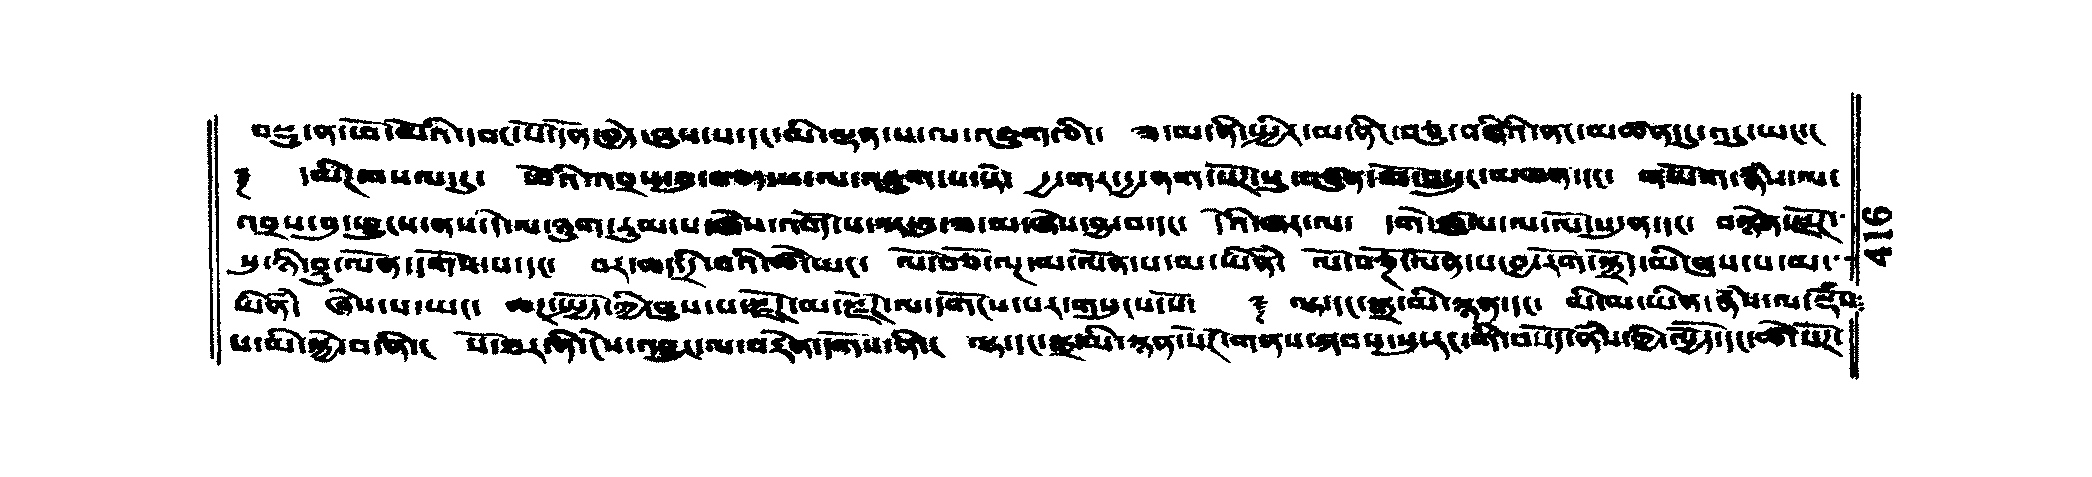བསྡུ་ན་ཕོ་མོའི་དབང་པོ་དོན་བྱེད་ནུས་པ་དང་མི་ལྡན་པ་ལ་འཇུག་ཅིང་། ཟ་མ་ནི་སྤྱིར་མ་ནིང་བཅུ་བཞིའི་ནང་མཚན་དུ་འདུ་ཡང་། 
དམིགས་བསལ་དུ། ཕོའི་འབྲས་བུ་བཅད་པ་ལ་འཇུག་པ་སྟེ། རྒྱ་གར་རྒྱ་ནག་སོགས་སུ་བཙུན་མོ་བསྲུང་མཁན་དང་། གཡོག་རྣམས་ལ་
འབྲས་བུ་ཕྱུངས་ནས་དེ་ལ་ཉུག་རུམ་པ་ཞེས་འབོད་པ་ལྟ་བུ་ཟ་མ་ཞེས་བྱ་བ་དང་། དེའི་ཞར་ལ། དགེ་ཚུལ་ལ་ལོ་བདུན་དང་། བསྙེན་རྫོགས་
སུ་ཉི་ཤུ་ལོན་དགོས་པ་དང་། བར་ཆད་དྲི་བའི་ཚེ་ཡང་། ལོ་བཅོ་ལྔ་མ་ལོན་པ་མ་ཡིན་ནམ། ལོ་བཅོ་ལྔ་ལོན་པ་བྱ་རོག་སྐྲོད་མི་ནུས་པ་མ་
ཡིན་ནམ། ཞེས་པ་ཡང་། ཆགས་སྤྱོད་ཀྱི་ནུས་པ་རྫོགས་མ་རྫོགས་ལ་དགོངས་པར་གསུངས་སོ། ལྷ་དང་སྒྲ་མི་སྙན་དང་། མི་མ་ཡིན་རྣམས་ལ་སྡོམ་
པ་མི་སྐྱེ་བ་ནི། སོ་ཐར་ནི་ངེས་འབྱུང་ལ་བརྟེན་དགོས་ཀྱི། ལྷ་དང་སྒྲ་མི་སྙན་སོགས་གནས་སྐབས་སུ་རང་གི་བསོད་ནམས་ཀྱི་ལོངས་སྤྱོད་དང་ཚེ་སོགས་